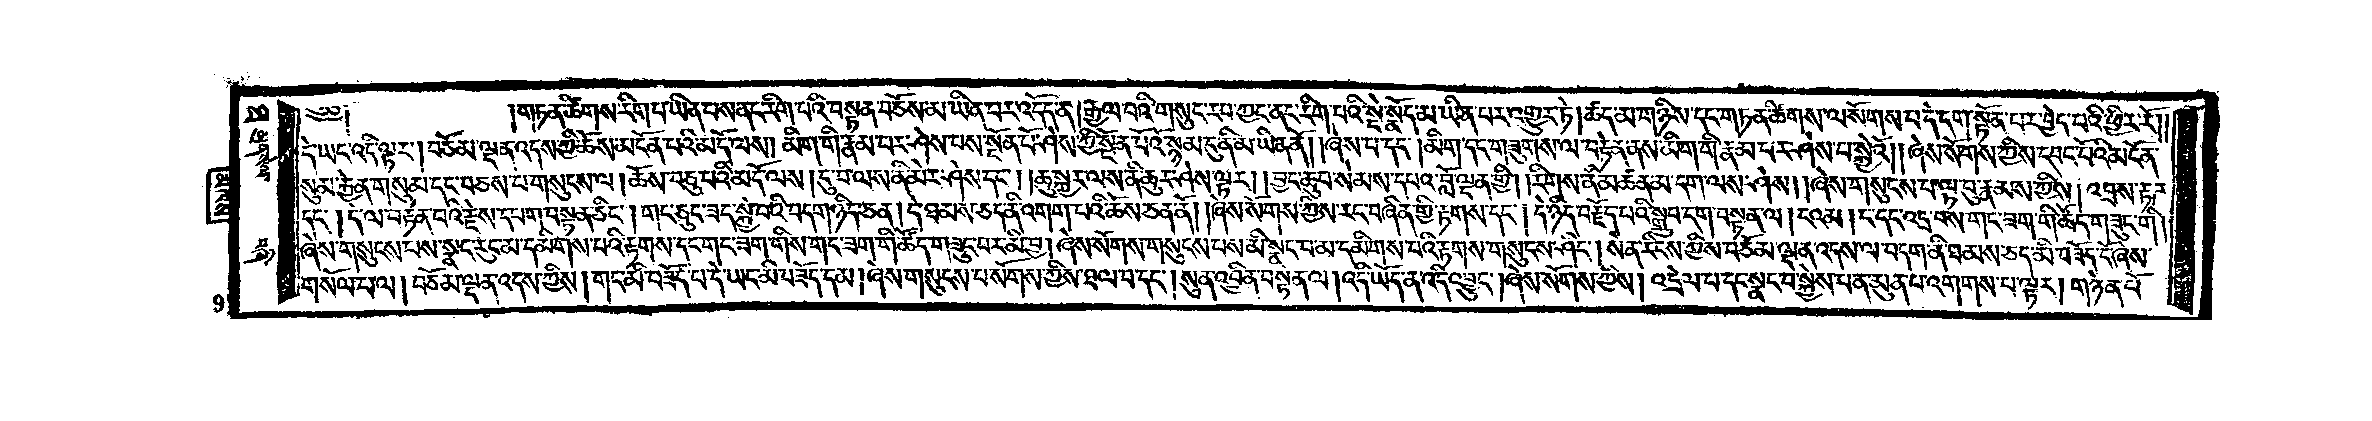༄༅། །གཏན་ཚིགས་རིག་པ་ཡིན་པས་ནང་རིག་པའི་བསྟན་བཅོས་མ་ཡིན་པར་འདོད་ན། རྒྱལ་བའི་གསུང་རབ་ཀྱང་ནང་རིག་པའི་སྡེ་སྣོད་མ་ཡིན་པར་འགྱུར་ཏེ། ཚད་མ་གཉིས་དང་གཏན་ཚིགས་ལ་སོགས་པ་དེ་དག་སྟོན་པར་བྱེད་པའི་ཕྱིར་རོ།།
དེ་ཡང་འདི་ལྟར། བཅོམ་ལྡན་འདས་ཀྱི་ཆོས་མངོན་པའི་མདོ་ལས། མིག་གི་རྣམ་པར་ཤེས་པས་སྔོན་པོ་ཤེས་ཀྱི་སྔོན་པོའོ་སྙམ་དུ་ནི་མ་ཡིན་ནོ། །ཞེས་པ་དང་། མིག་དང་གཟུགས་ལ་བརྟེན་ནས་མིག་གི་རྣམ་པར་ཤེས་པ་སྐྱེའོ། །ཞེས་སོགས་ཀྱིས་དབང་པོའི་མངོན་
སུམ་རྐྱེན་གསུམ་དང་བཅས་པ་གསུངས་ལ། ཆོས་བཅུ་པའི་མདོ་ལས། དུ་བ་ལས་ནི་མེར་ཤེས་དང་། །ཆུ་སྐྱར་ལས་ནི་ཆུར་ཤེས་ལྟར། །བྱང་ཆུབ་སེམས་དཔའ་བློ་ལྡན་གྱི། །རིགས་ནི་མཚན་མ་དག་ལས་ཤེས། །ཞེས་གསུངས་པ་ལྟ་བུ་རྣམས་ཀྱིས། འབྲས་རྟཌ་
དང་། དེ་ལ་བརྟེན་པའི་རྗེས་དཔག་བསྟན་ཅིང་། གང་ཅུང་ཟད་སྐྱེ་བའི་བདག་ཉིད་ཅན། དེ་ཐམས་ཅད་ནི་འགག་པའི་ཆོས་ཅན་ནོ། །ཞེས་སོགས་ཀྱིས་རང་བཞིན་གྱི་རྟགས་དང་། དེ་ཉིད་བརྗོད་པའི་སྒྲུབ་ངག་བསྟན་ལ། ངའམ། ང་དང་འདྲ་བས་གང་ཟག་གི་ཚོད་གཟུང་གི།
ཞེས་གསུངས་པས་སྣང་རུང་མ་དམིགས་པའི་རྟགས་དང་གང་ཟག་གིས་གང་ཟག་གི་ཚོད་གཟུང་བར་མི་བྱ། ཞེས་སོགས་གསུངས་པས་མི་སྣང་བ་མ་དམིགས་པའི་རྟགས་གསུངས་ཤིང་། སེན་རིངས་ཀྱིས་བཅོམ་ལྡན་འདས་ལ་བདག་ནི་ཐམས་ཅད་མི་བཟོད་དོ་ཞེས་
གསོལ་པ་ལ། བཅོམ་ལྡན་འདས་ཀྱིས། གང་མི་བཟོད་པ་དེ་ཡང་མི་བཟོད་དམ། ཞེས་གསུངས་པ་སོགས་ཀྱིས་ཐལ་བ་དང་། སུན་འབྱིན་བསྟན་ལ། འདི་ཡོད་ན་འདི་འབྱུང་། ཞེས་སོགས་ཀྱིས། འབྲེལ་པ་དང་སྣང་བ་སྐྱེས་པ་ན་མུན་པ་འགགས་པ་ལྟར། གཉེན་པོ་